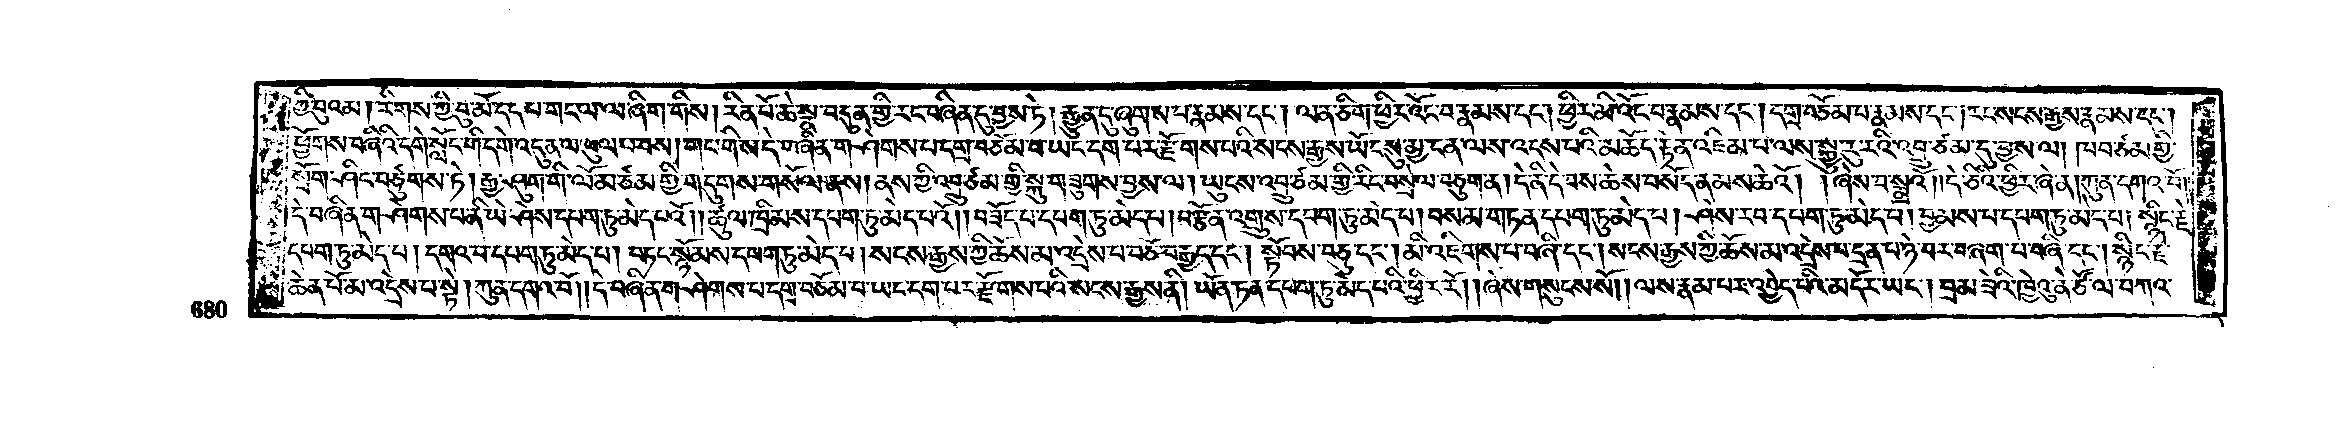ཀྱི་བུའམ། རིགས་ཀྱི་བུ་མོ་དད་པ་གང་ལ་ལ་ཞིག་གིས། རིན་པོ་ཆེ་སྣ་བདུན་གྱི་རང་བཞིན་དུ་བྱས་ཏེ། རྒྱུན་དུ་ཞུགས་པ་རྣམས་དང་། ལན་ཅིག་ཕྱིར་འོང་བ་རྣམས་དང་། ཕྱིར་མི་འོང་བ་རྣམས་དང་། དགྲ་བཅོམ་པ་རྣམས་དང་། རང་སངས་རྒྱས་རྣམས་དང་།
ཕྱོགས་བཞིའི་དགེ་སློང་གི་དགེ་འདུན་ལ་ཕུལ་པ་བས། གང་གིས་དེ་བཞིན་གཤེགས་པ་དགྲ་བཅོམ་པ་ཡང་དག་པར་རྫོགས་པའི་སངས་རྒྱས་ཡོངས་སུ་མྱ་ངན་ལས་འདས་པའི་མཆོད་རྟེན་འཇིམ་པ་ལས་སྐྱུ་རུ་རའི་འབྲུ་ཙམ་དུ་བྱས་ལ། ཁབ་ཙམ་གྱི་
སྲོག་ཤིང་བཙུགས་ཏེ། རྒྱ་ཤུག་གི་ལོ་མ་ཙམ་གྱི་གདུགས་གསོལ་ནས། ནས་ཀྱི་འབྲུ་ཙམ་གྱི་སྐུ་གཟུགས་བྱས་ལ། ཡུངས་འབྲུ་ཙམ་གྱི་རིང་བསྲེལ་བཅུག་ན། དེ་ནི་དེ་བས་ཆེས་བསོད་ནམས་ཆེའོ། །ཞེས་བ་སྨྲའོ། །དེ་ཅིའི་ཕྱིར་ཞེ་ན། ཀུན་དགའ་པོ།
དེ་བཞིན་གཤེགས་པ་ནི་ཡེ་ཤེས་དཔག་ཏུ་མེད་པའོ། །ཚུལ་ཁྲིམ་དཔག་ཏུ་མེད་པའོ། །བཟོད་པ་དཔག་ཏུ་མེད་པ། བརྩོན་འགྲུས་དཔག་ཏུ་མེད་པ། བསམ་གཏན་དཔག་ཏུ་མེད་པ། ཤེས་རབ་དཔག་ཏུ་མེད་པ། བྱམས་པ་དཔག་ཏུ་མེད་པ། སྙིང་རྗེ་
དཔག་ཏུ་མེད་པ། དགའ་བ་དཔག་ཏུ་མེད་པ། བཏང་སྙོམས་དཔག་ཏུ་མེད་པ། སངས་རྒྱས་ཀྱི་ཆོས་མ་འདྲེས་པ་བཅོ་བརྒྱད་དང་། སྟོབས་བཅུ་དང་། མི་འཇིགས་པ་བཞི་དང་། སངས་རྒྱས་ཀྱི་ཆོས་མ་འདྲེས་པ་དྲན་པ་ཉེ་བར་བཞག་པ་བཞི་དང་། སྙིང་རྗེ་
ཆེན་པོ་མ་འདྲེས་པ་སྟེ། ཀུན་དགའ་བོ། །དེ་བཞིན་གཤེགས་པ་དགྲ་བཅོམ་པ་ཡང་དག་པར་རྫོགས་པའི་སངས་རྒྱས་ནི། ཡོན་ཏན་དཔག་ཏུ་མེད་པའི་ཕྱིར་རོ། །ཞེས་གསུངས་སོ། །ལས་རྣམ་པར་འབྱེད་པའི་མདོར་ཡང་། བྲམ་ཟེའི་ཁྱེའུ་ནི་ཙོ་ལ་བཀའ་